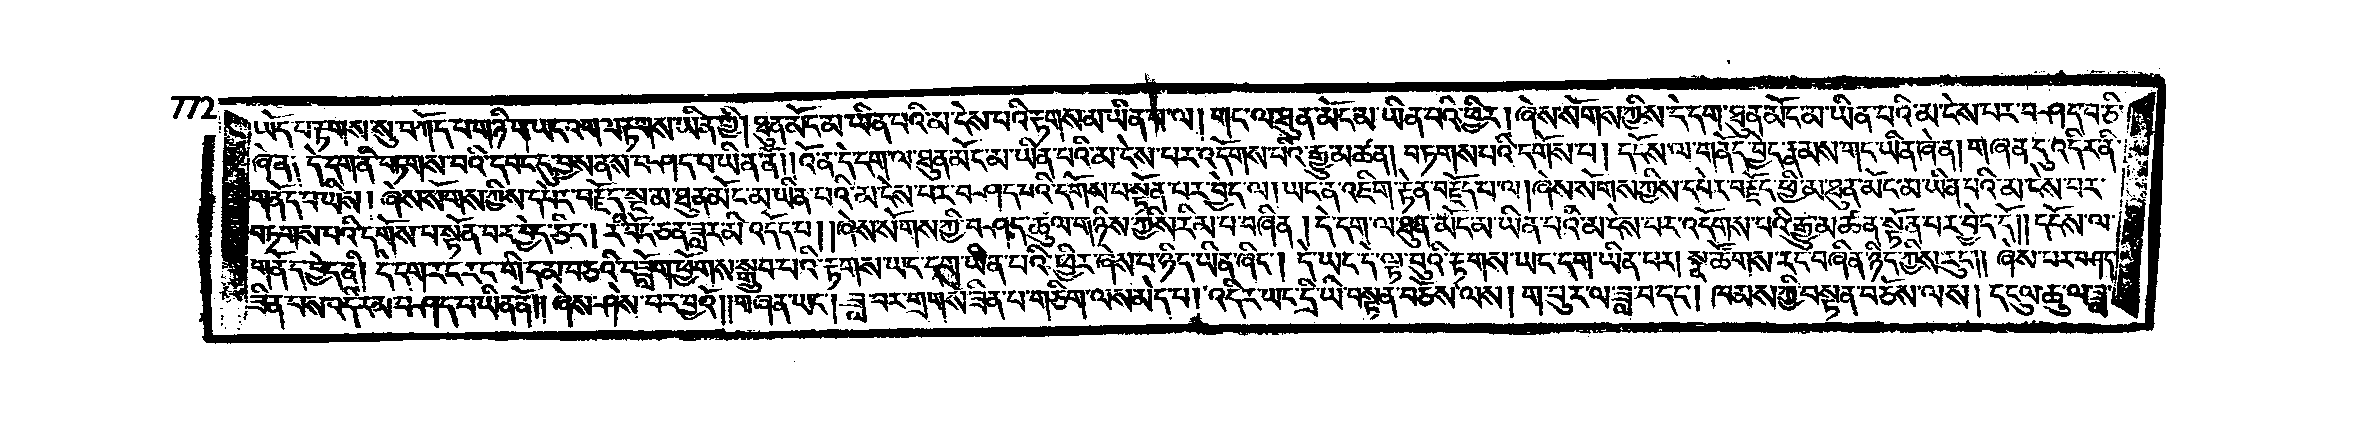ཡོད་པ་རྟགས་སུ་བཀོད་པ་གཉིས་ག་ཡང་འགལ་རྟགས་ཡིན་གྱི། ཐུན་མོང་མ་ཡིན་པའི་མ་ངེས་པའི་རྟགས་མ་ཡིན་པ་ལ། གང་ལ་ཐུན་མོང་མ་ཡིན་པའི་ཕྱིར། ཞེས་སོགས་ཀྱིས་དེ་དག་ཐུན་མོང་མ་ཡིན་པའི་མ་ངེས་པར་བཤད་པ་ཅི་
ཞེ་ན། དེ་དག་ནི་བཏགས་པའི་དབང་དུ་བྱས་ནས་བཞད་པ་ཀྱིན་ནོ། །འོ་ན་དེ་དག་ལ་ཐུན་མོང་མ་ཡིན་པའི་མ་ངེས་པར་འདོགས་པའི་རྒྱུ་མཚན། བཏགས་པའི་དགོས་པ། དངོས་ལ་གནོད་བྱེད་རྣམས་གང་ཡིན་ཞེ་ན། གཞན་དུ་འདིར་ནི་
གནོད་པ་ཡིས། ཞེས་སོགས་ཀྱིས་དཔེར་བརྗོད་སྔ་མ་ཐུན་མོང་མ་ཡིན་པའི་མ་ངེས་པར་བཤད་པའི་དགོས་པ་སྟོན་པར་བྱེད་ལ། ཡང་ན་འཇིག་རྟེན་བརྗོད་པ་ལ། ཞེས་སོགས་ཀྱིས་དཔེར་བརྗོད་ཕྱི་མ་ཐུན་མོང་མ་ཡིན་པའི་མ་ངེས་པར་
བཏགས་པའི་དགོས་པ་སྟོན་པར་བྱེད་ཅིང་། རི་བོང་ཅན་ཟླར་མི་འདོད་པ། །ཞེས་སོགས་ཀྱི་བཤད་ཚུལ་གཉིས་ཀྱིས་རིམ་པ་བཞིན། དེ་དག་ལ་ཐུན་མོང་མ་ཡིན་པའི་མ་ངེས་པར་འདོད་པའི་རྒྱུ་མཚན་སྟོན་པར་བྱེད་དོ། །དངོས་ལ་
གནོད་བྱེད་ནི། དེ་དག་རང་རང་གི་དམ་བཅའི་བཟློག་ཕྱོགས་སྒྲུབ་པའི་རྟགས་ཡང་དག་ཡིན་པའི་ཕྱིར་ཞེས་པ་ཉིད་ཡིན་ཞིང་། དེ་ཡང་དེ་ལྟ་བུའི་རྟགས་ཡང་དག་ཡིན་པར། སྣ་ཚོགས་རང་བཞིང་ཉིད་ཀྱིས་རུང་། །ཞེས་པར་བཤད་
ཟིན་པས་འདིར་མ་བཤད་པ་ཡིན་ནོ། །ཞེས་ཤེས་པར་བྱའོ། །གཞན་ཡང་། ཟླ་བར་གྲགས་ཟིན་པ་གཅིག་ལས་མེད་པ། འདིར་ཡང་དྲི་ཡི་བསྟན་བཅོས་ལས། ག་པུར་ལ་ཟླ་བ་དང་། ཁམས་ཀྱི་བསྟན་བཅོས་ལས། དངུས་ཆུ་ལ་ཟླ་